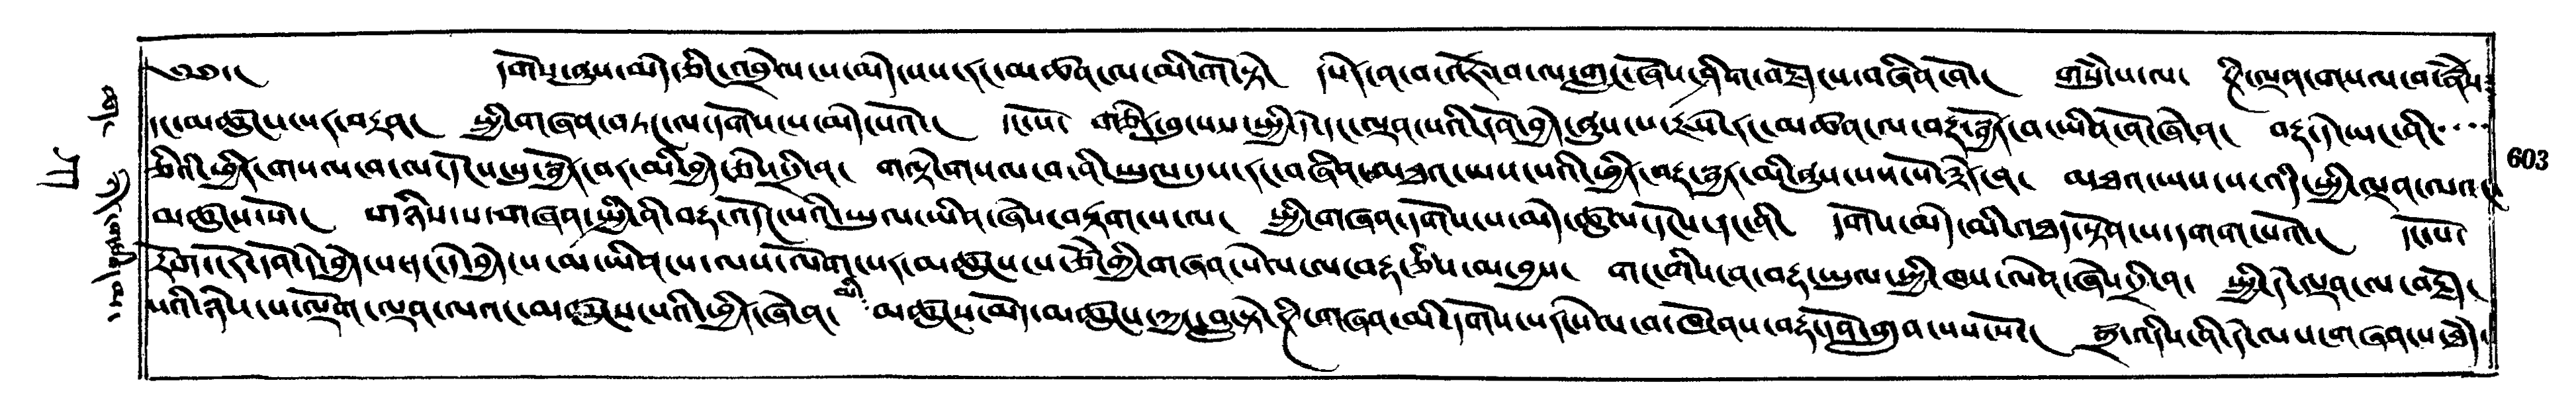དགོས་ནུས་མེད་ཅིང་འབྲེལ་བ་མེད་པས་རང་མཚན་ལ་མི་གོ་སྟེ། དཔེར་ན་མཛོ་ལ་བ་གླང་ཞོས་ཤིག་བརྗོད་པ་བཞིན་ནོ།། གསུམ་པ་ལ། རིགས་ལྡན་གསལ་བ་རྣམས་
དང་མཚུངས་པར་བརྟན། །སྤྱི་གཞན་བཏགས་ལ་དགོས་པ་མེད་པའོ། །དང་པོ། གཅེར་བུ་པས་སྤྱི་དེ་དང་ལྡན་པའི་དོན་བྱེད་ནུས་པ་རྫས་རང་མཚན་ལ་བརྡ་སྦྱོར་བ་ཡིན་ནོ་ཞེ་ན། བརྡ་དེ་ཡང་ནི་
ཅིའི་ཕྱིར་གསལ་བ་ལ་དངོས་སུ་སྦྱོར་བར་མི་བྱེད་ཅེས་དྲི་ན། གལ་ཏེ་གསལ་བ་ནི་ཡུལ་དུས་རང་བཞིན་མཐའ་ཡས་པའི་ཕྱིར་བརྡ་སྦྱར་མི་ནུས་པས་སོ་ཟེར་ན། མཐའ་ཡས་པ་འདི་སྤྱི་ལྡན་ལའང་
མཚུངས་སོ།། གཉིས་པ་གཞན་སྤྱི་ནི་བརྡ་འདོགས་པའི་ཡུལ་ཡིན་ཞེས་བརྟག་པ་ལ། སྤྱི་གཞན་དགོས་པ་མེད་ཚུལ་དངོས་དང་ནི། །དགོས་མེད་མི་འཐད་སྟོན་པ་དགག་པའོ། །དང་པོ་
རྟོག་ངོར་དོན་དེ་བྱེད་པ་དང་དེ་བྱེད་པ་མ་ཡིན་པ་ལས་ལོག་པར་མཚུངས་པ་ཙམ་གྱི་གཞན་སེལ་ལ་བརྡ་ཅིས་མ་བྱས། གང་གིས་ན་བརྡ་ཡུལ་སྤྱི་ཁས་ལེན་ཞེས་དྲི་ན། སྤྱི་དེ་ལྡན་ལ་བརྗོད་
པའི་ཉེས་པ་ལྡོག་ལྡན་ལའང་མཚུངས་པའི་ཕྱིར་ཞེ་ན། མི་མཚུངས་མོད་མཚུངས་ཀྱང་བླ་སྟེ་རིགས་གཞན་མི་དགོས་པར་སེལ་བ་ཁོ་ནས་བརྡ་དོན་གྲུབ་པས་སོ།། སྒྲ་འདིས་ནི་དེ་ལས་གཞན་པ་ཐམས་ཅད་